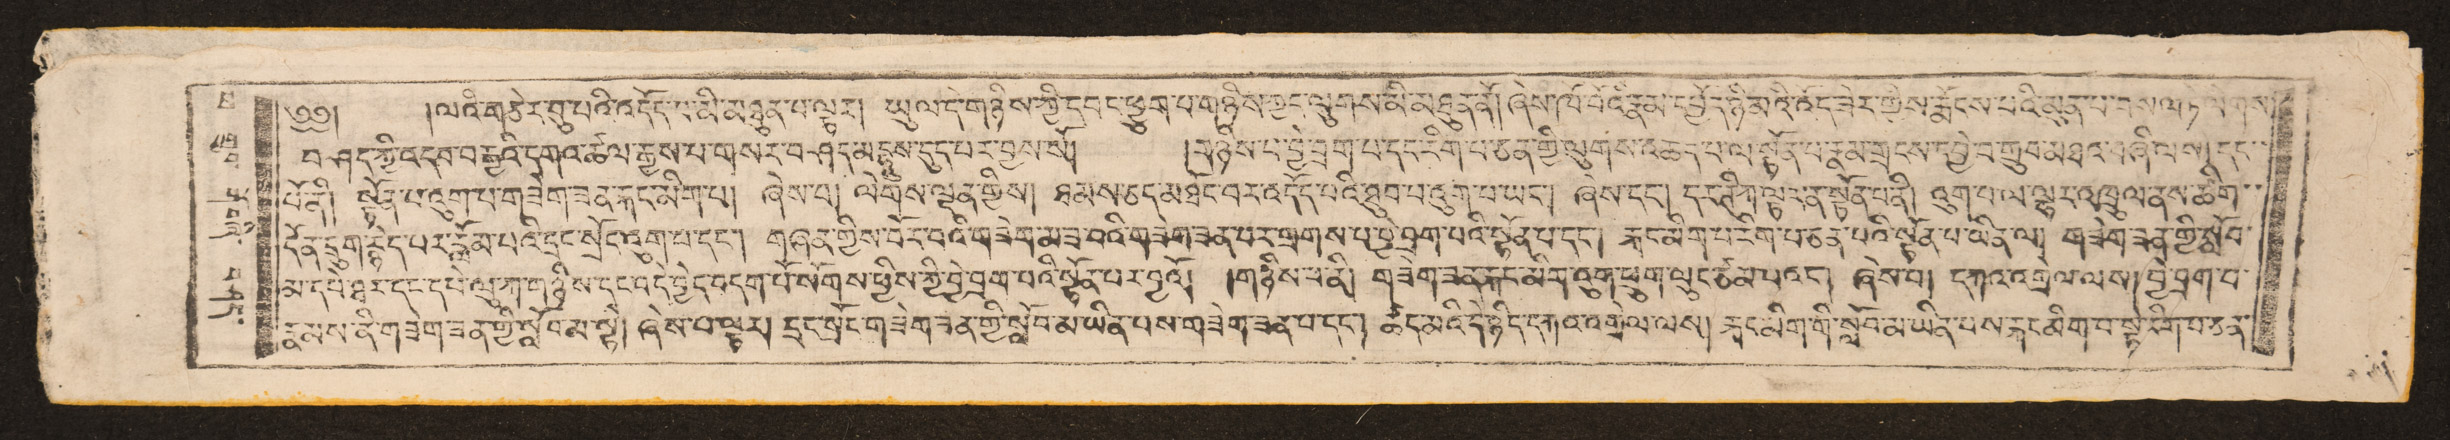༄༅། །ལའི་གཅེར་བུ་པའི་འདོད་པ་མི་མཐུན་པ་ལྟར། ཡུལ་དེ་གཉིས་ཀྱི་དབང་ཕྱུག་པ་གཉིས་ཀྱང་ལུགས་མི་མཐུན་ནོ། ཞེས་ཁོ་བོའི་རྣམ་དཔྱོད་ཉི་མའི་འོད་ཟེར་གྱིས་རྨོངས་པའི་མུན་པ་བསལ་ཏེ་ལེགས་
བཤད་ཀྱི་འདབ་བརྒྱའི་དགའ་ཚལ་རྒྱས་པ་གསར་བཤད་མདྷཱུས་དུད་པར་བྱས་སོ། །གཉིས་པ་བྱེ་བྲག་པ་དང་རིག་པ་ཅན་གྱི་ལུགས་འཆད་པ་ལ་སྟོན་པ་རྣམ་གྲངས་དབྱེ་བ་གྲུབ་མཐའ་བཞི་ལས། དང་
པོ་ནི། སྟོན་པ་འུག་པ་གཟེག་ཟན་རྐང་མིག་པ། ཞེས་པ། ལེགས་ལྡན་གྱིས། ཐམས་ཅད་མཐོང་བར་འདོད་པའི་ཐུབ་པ་འུག་པ་ཡང་། ཞེས་དང་། དར་ཊིཀ་ལྟར་ན་སྟོན་པ་ནི། འུག་པ་ལ་ལྷར་འཁྲུལ་ནས་ཚིག་
དོན་དྲུག་རྙེད་པར་རློམ་པའི་དྲང་སྲོང་འུག་པ་དང་། གཞན་གྱིས་བོར་བའི་གཟེག་མ་ཟ་བའི་གཟེག་ཟན་བར་གྲགས་པ་བྱེ་བྲག་པའི་སྟོན་པ་དང་། རྐང་མིག་པ་རིག་པ་ཅན་པའི་སྟོན་པ་ཡིན་ལ། གཟེག་ཟན་གྱི་སློབ་
མ་དཔེ་ཐར་དང་དཔེ་ལུ་ཀ་གཉིས་དང་བདེ་བྱེད་བདག་པོ་སོགས་ཕྱིས་ཀྱི་བྱེ་བྲག་བའི་སྟོན་པར་བྱའོ། །གཉིས་པ་ནི། གཟེག་ཟན་རྐང་མིག་འུག་ཕྲུག་ལུང་ཙམ་པའང་། ཞེས་པ། དཀའ་འགྲེལ་ལས། བྱེ་བྲག་པ་
རྣམས་ནི་གཟེག་ཟན་གྱི་སློབ་མ་སྟེ། ཞེས་པ་ལྟར། དྲང་སྲོང་གཟེག་ཟན་གྱི་སློབ་མ་ཡིན་པས་གཟེག་ཟན་པ་དང་། ཚད་མའི་དེ་ཉིད་དཀའ་འགྲེལ་ལས། རྐང་མིག་གི་སློབ་མ་ཡིན་པས་རྐང་མིག་པ་སྟེ་རིག་པ་ཅན་